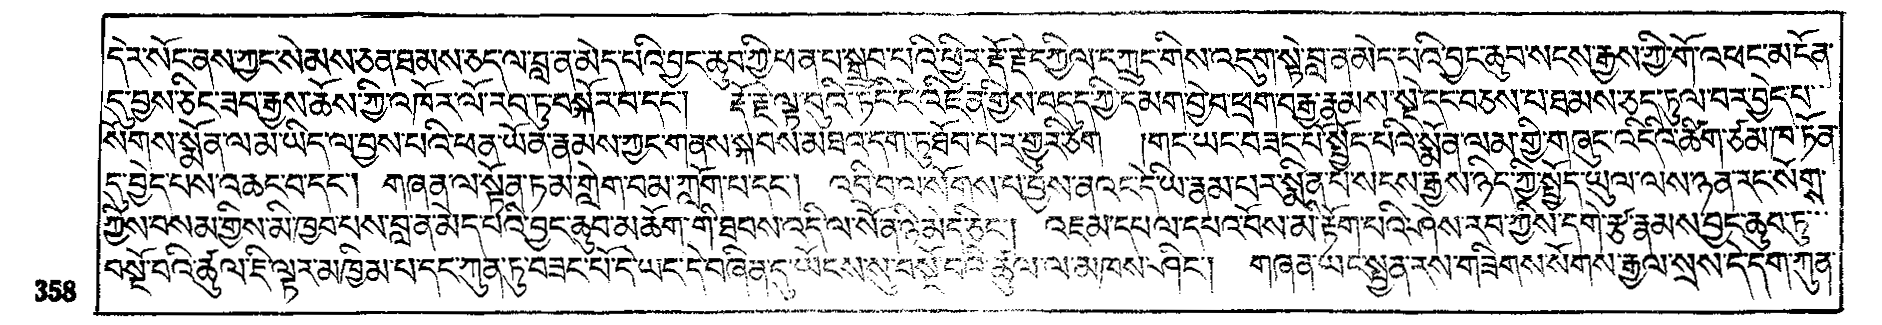དེར་སོང་ནས་ཀྱང་སེམས་ཅན་ཐམས་ཅད་ལ་བླ་ན་མེད་པའི་བྱང་ཆུབ་ཀྱི་ཕན་པ་སྒྲུབ་པའི་ཕྱིར་རྡོ་རྗེ་དཀྱིལ་དཀྲུང་གིས་འདུག་སྟེ་བླ་ན་མེད་པའི་བྱང་ཆུབ་སངས་རྒྱས་ཀྱི་གོ་འཕང་མངོན་
དུ་བྱས་ཅིང་ཟབ་རྒྱས་ཆོས་ཀྱི་འཁོར་ལོ་རབ་ཏུ་བསྐོར་བ་དང་། རྡོ་རྗེ་ལྟ་བུའི་ཏིང་ངེ་འཛིན་གྱིས་བདུད་ཀྱི་དམག་བྱེ་བ་ཕྲག་བརྒྱ་རྣམས་སྡེ་དང་བཅས་པ་ཐམས་ཅད་ཏུལ་བར་བྱེད་པ་
སོགས་སྨོན་ལམ་ཡིད་ལ་བྱས་པའི་ཕན་ཡོན་རྣམས་ཀྱང་གནས་སྐབས་མཐའ་དག་ཏུ་ཐོབ་པར་གྱུར་ཅིག །གང་ཡང་བཟང་པོ་སྤྱོད་པའི་སྨོན་ལམ་གྱི་གཞུང་འདིའི་ཚིག་ཙམ་ཁ་ཏོན་
དུ་བྱེད་པས་འཆང་བ་དང་། གཞན་ལ་སྟོན་ཏམ་གླེག་བམ་ཀློག་པ་དང་། འབྲི་བ་ལ་སོགས་པ་བྱས་ནའང་དེ་ཡི་རྣམ་པར་སྨིན་པ་སངས་རྒྱས་ཉིད་ཀྱི་སྤྱོད་ཡུལ་ལས་ཉན་རང་སོགས་
ཀྱིས་བསམ་གྱིས་མི་ཁྱབ་པས་བླ་ན་མེད་པའི་བྱང་ཆུབ་མཆོག་གི་ཐབས་འདི་ལ་སོན་ཉི་མེད་ཅིང་། འཇམ་དཔལ་དཔའ་བོས་མི་རྟོག་པའི་ཤེས་རབ་ཀྱིས་དགེ་རྩ་རྣམས་བྱང་ཆུབ་ཏུ་
བསྔོ་བའི་ཚུལ་ཇི་ལྟར་མཁྱིམ་པ་དང་ཀུན་ཏུ་བཟང་པོ་དེ་ཡང་དེ་བཞིན་དུ་ཡོངས་སུ་བསྔོ་བའི་ཚུལ་ལ་མཁས་ཤིང་། གཞན་ཡང་སྤྱན་རས་གཟིགས་སོགས་རྒྱལ་སྲས་དེ་དག་ཀུན་